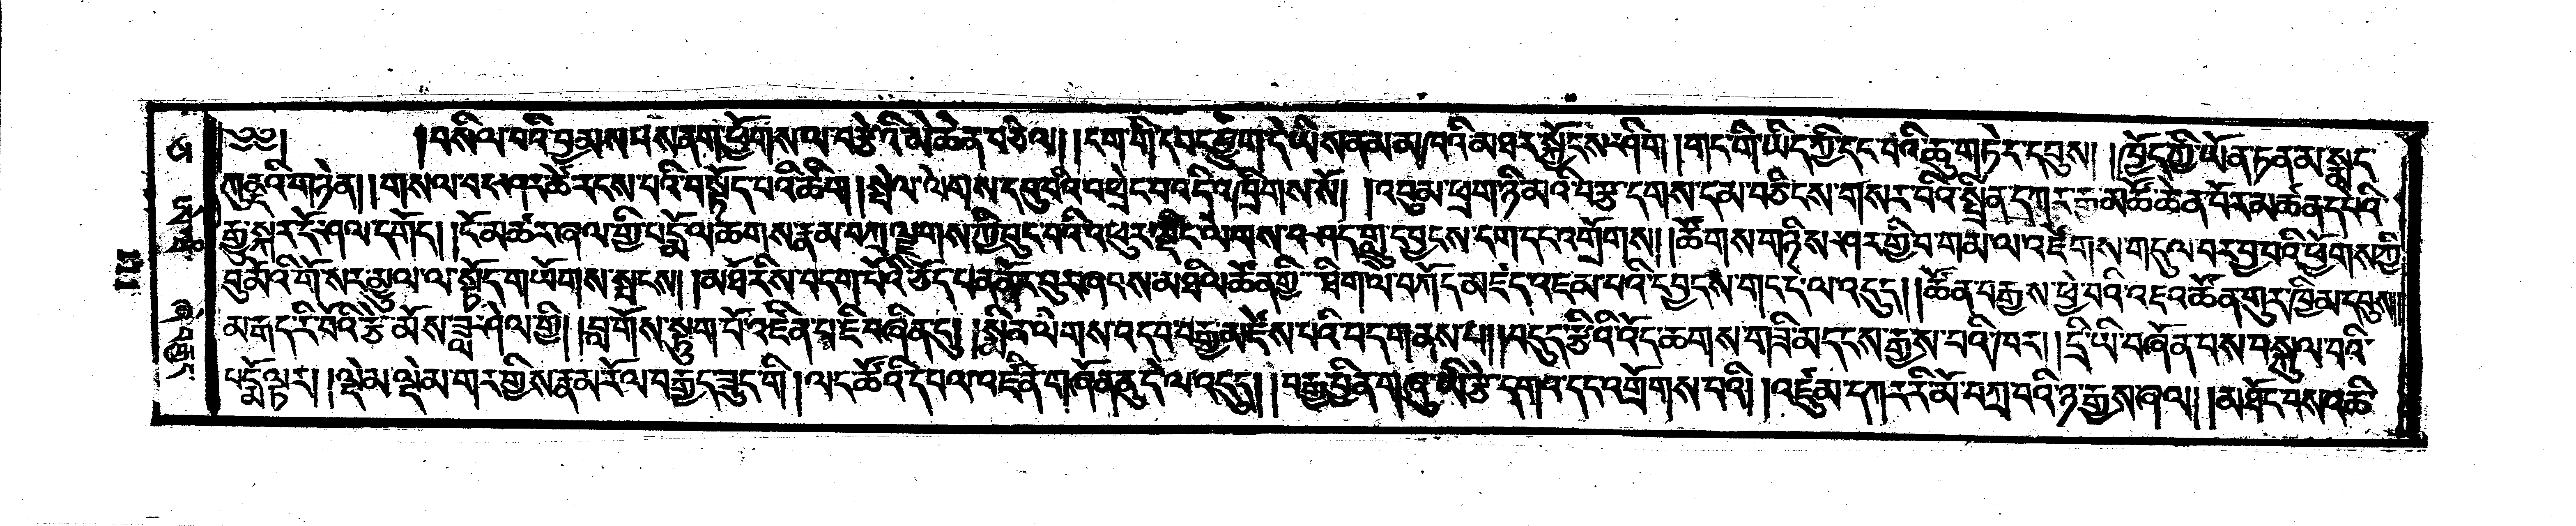༄༅། །བསིལ་བའི་བྱམས་པས་ནག་ཕྱོགས་ལ་བརྩེའི་མེ་ཆེན་བཅིལ། །ངག་གི་དབང་ཕྱུག་དེ་ཡིས་ནམ་མཁའི་མཐར་སྐྱོངས་ཤིག །གང་གི་ཡིད་ཀྱི་དང་བའི་ཆུ་གཏེར་དབུས། །ཁྱོད་ཀྱི་ཡོན་ཏན་མ་སྨད་
ཀུནྡའི་གཉེན། །གསལ་བར་ཤར་ཚེ་རངས་པའི་བསྟོད་པའི་ཚིག །སྤེལ་ལེགས་དབུ་བའི་འཕྲེང་བ་འདི་འཁྲིགས་སོ། །འབུམ་ཕྲག་ཉི་མའི་བརྩེ་དགས་དམ་བཅིངས་གསར་པའི་སྤྲིན་དཀར་རྒྱ་མཚོ་ཆེན་པོར་མཚན་དཔེའི་
རྒྱུ་སྐར་དོ་ཤལ་དགོད། །ངོ་མཚར་ཞལ་གྱི་པདམོ་ལ་ཆགས་རྣམ་བཀྲ་ལྗགས་ཀྱི་བུང་བའི་འཕུར་ལྡིང་ལེགས་བཤད་གླུ་དབྱངས་དག་དང་འགྲོགས། །ཚོགས་གཉིས་ཤར་གྱི་བ་གམ་ལ་འཛེགས་གདུལ་བར་བྱ་བའི་ཕྱོགས་ཀྱི་
བུ་མོའི་གོ་སར་མྱུལ་ལ་སྟོད་གཡོགས་སྤངས། །མཐོ་རིས་བདག་པོའི་ཅོད་པན་ནོར་བུར་ཞབས་མཐིལ་ཚོན་གྱིས་ཐིག་ལེ་བཀོད་མཛད་འཇམ་པའི་དབྱངས་གང་དེ་ལ་འདུད། །ཚོན་བརྒྱས་ཕྱེ་བའི་འཇའ་ཚོན་གུར་ཁྱིམ་དབུས། །
མྲྒད་རི་བོའི་རྩེ་མོས་ཟླ་ཤེལ་གྱི། །བླ་གོས་སྟུག་པོ་འཛིན་པ་ཇི་བཞིན་དུ། །སྨིན་ལེགས་འདབ་བརྒྱ་མཛེས་པའི་པད་གནས་པ། །བདུད་རྩིའི་འོད་ཆགས་གཟི་མདངས་རྒྱས་པའི་ཁར། །དྲི་ཡི་བཞོན་པས་བསྐུལ་བའི་
པདམོ་ལྟར། །ལྡམ་ལྡེམ་གར་གྱིས་རྣམ་རོལ་བརྒྱད་ཟུང་གི །ལང་ཚོའི་དཔལ་འཛིན་གཞོན་ནུ་དེ་ལ་འདུད། །བརྒྱ་བྱིན་གཞུ་ཡི་རྩེ་དགའ་དང་འགྲོགས་པའི། །འཛུམ་དཀར་རི་མོ་བཀྲ་བའི་ཉ་རྒྱས་ཞལ། །མཐོང་བས་འཆི་